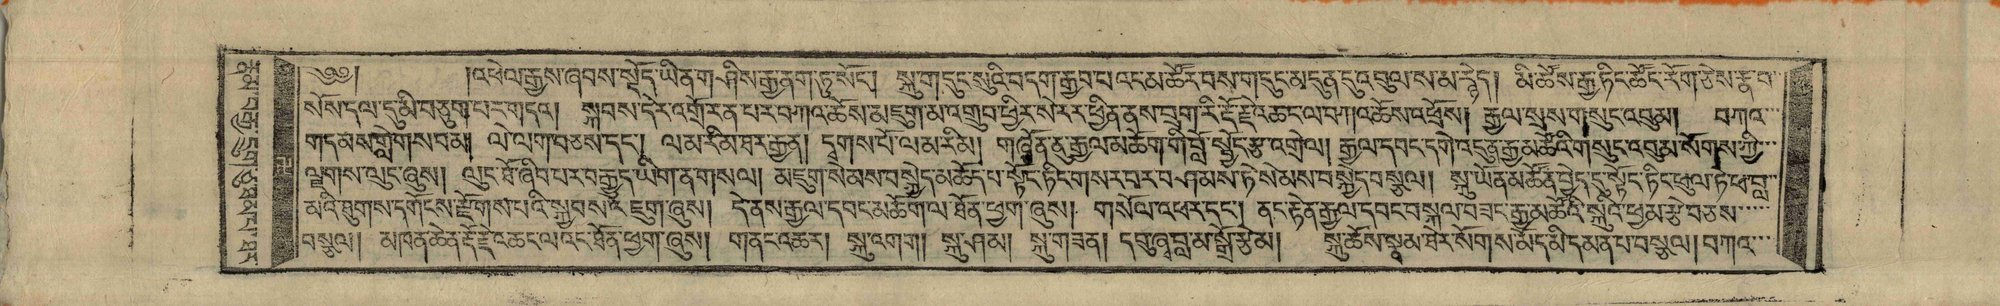༄༅། །འཕེལ་རྒྱས་ཞབས་སྡོད་ཡིན་གཤིས་རྒྱ་ནག་ཏུ་སོང་། སྐུ་གདུང་སུའི་བདག་རྒྱབ་པའང་མ་ཚོར་བས་གདུང་མདུན་དུ་འབུལ་ས་མ་རྙེད། མི་ཚོས་རྒྱ་ཏིང་ཚོང་རོག་ཅེས་རྣ་བ་
སོས་དལ་དུ་མི་བཅུག་པར་གདའ། སྐབས་དེར་འགྲོ་རན་པར་བཀའ་ཆོས་མཇུག་མ་འགྲུབ་ཕྱིར་སེ་རར་ཕྱིན་ནས་བྲག་རི་རྡོ་རྗེ་འཆང་ལ་བཀའ་ཆོས་འཕྲོས། རྒྱལ་སྲས་གསུང་འབུམ། བཀའ་
གདམས་གླེགས་བམ། ལེ་ལག་བཅས་དང་། ལམ་རིམ་ཐར་རྒྱན། དྭགས་པོ་ལམ་རིམ། གཞོན་ནུ་རྒྱལ་མཆོག་གི་བློ་སྦྱོང་རྩ་འགྲེལ། རྒྱལ་དབང་དགེ་འདུན་རྒྱ་མཚོའི་གསུང་འབུམ་སོགས་ཀྱི་
ལྗགས་ལུང་ཞུས། ལུང་ཐོ་ཞིབ་པར་བརྒྱུད་ཡིག་ན་གསལ། མཇུག་སེམས་བསྐྱེད་མཆོད་པ་སྟོང་ཏིང་གསར་བར་བཤམས་ཏེ་སེམས་བསྐྱེད་བསྩལ། སྐུ་ཡོན་མཚོན་བྱེད་དུ་སྟོང་ཏིང་ཕུལ་ཏེ་ཕ་བླ་
མའི་ཐུགས་དགོངས་རྫོགས་པའི་སྐྱབས་འཇུག་ཞུས། དེ་ནས་རྒྱལ་དབང་མཆོག་ལ་ཐོན་ཕྱག་ཞུས། གསོལ་འཕར་དང་། ནང་རྟེན་རྒྱལ་དབང་བསྐལ་བཟང་རྒྱ་མཚོའི་སྐུའི་ཕྱམ་རྩེ་བཅས་
བསྩལ། མཁན་ཆེན་རྡོ་རྗེ་འཆང་ལའང་ཐོན་ཕྱག་ཞུས། གནང་འཆར། སྐུ་འགག །སྐུ་ཤམ། སྐུ་གཟན། དབུ་ཞྭ་བླ་མ་སྒྲོ་རྩེ་མ། སྐུ་ཆོས་སྣམ་ཐེར་སོགས་མོད་མི་དམན་པ་བསྩལ། བཀའ་